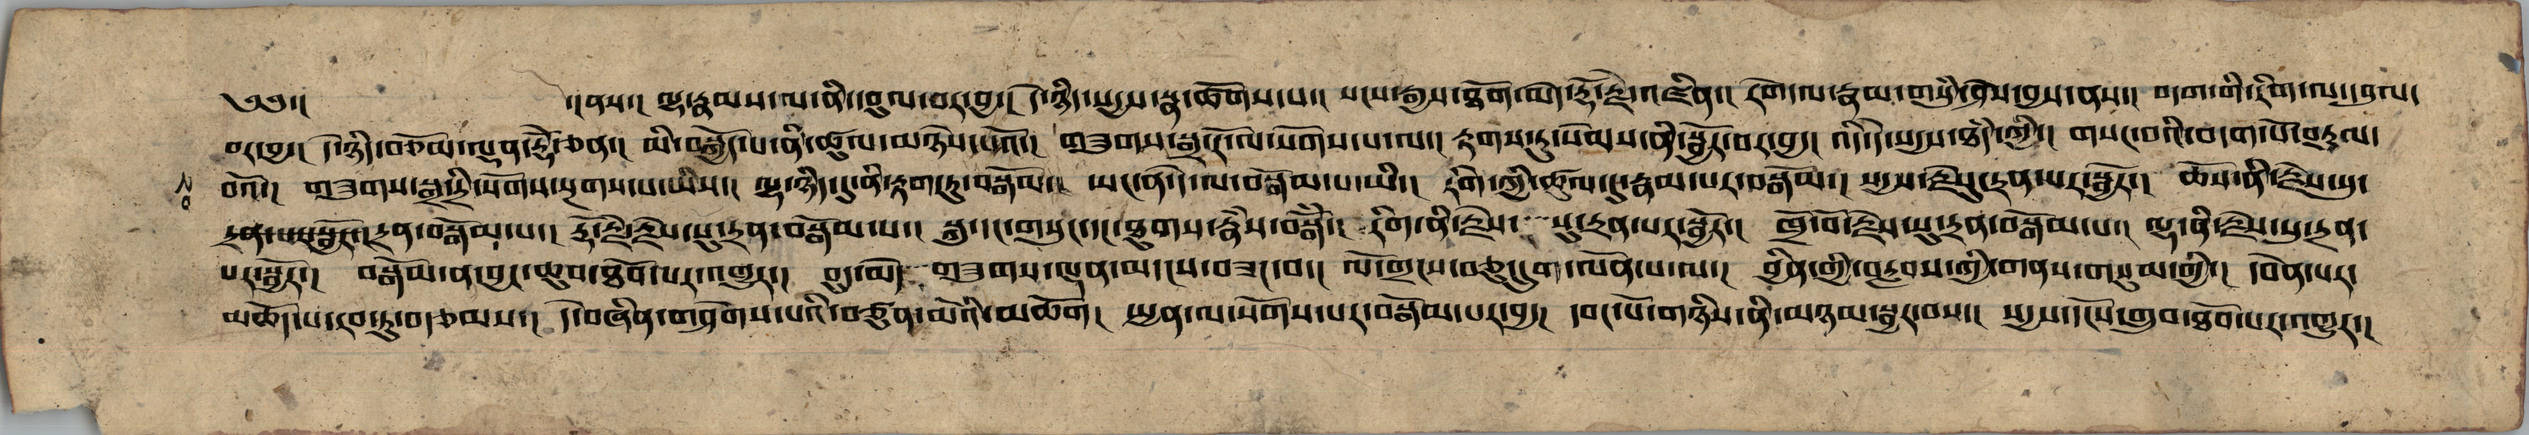༄༅་། ་།ནས་། ལྷ་རྣམས་ལ་ནི་དབུལ་བར་བྱ་། དེ་ཉིད་སདྱས་སྣ་ཚོགས་པ་། སངས་རྒྱས་ཐོག་མེད་རྡོ་རྗེ་འཛིན་། རེག་ལ་རྣམ་གསུཾ་ཤེས་བྱས་ནས་། བདག་གི་རིག་ལ་དབུལ་
བར་བྱ་། དེ་ཉིད་བཅོམ་ལྡན་རྡོེ་ཅན་། མི་བསྐྱོད་པ་ནི་ཚུལ་མཉེས་པའོ་། གཟུགས་སྒྲ་རོ་ལ་སོགས་པ་ལ་། རྟགས་ཏུ་སེམས་ནི་སྦྱོར་བར་བྱ་། འདི་དེ་སདྱས་ཐཾད་ཀྱི་། གསང་བའི་བདག་པོ་བཏུལ་
བའོ་། གཟུགས་སྒྲ་དྲི་སོགས་སྔགས་པ་ཡིས་། ལྷ་ཉིད་དུ་ནི་རྟག་ཏུ་བསྒོམ་། ཡང་ན་དེ་ལ་བསྒོམ་པ་ཡི་། རིག་ཀྱི་ཚུལ་དུ་རྣམ་པར་བསྒོམ་། སདྱས་རྗེསུ་དྲན་པར་སྦྱོར་། ཆོས་ནི་རྗེས་སུ་
དྲན་པར་སྦྱོར་།དྲན་བསྒོམ་པ་། རྡོ་རྗེ་རྗེས་སུ་དྲན་བསྒོམ་པ་། སྐུ་དང་གསུང་དང་ཐུགས་རྣཾས་བསྒོཾ་། རིག་ནི་རྗེས་་་སུ་དྲན་པར་སྦྱོར་། ཁྲོ་བོ་རྗེས་སུ་དྲན་བསྒོམ་པ་། ལྷ་ནི་རྗེས་སུ་དྲན་
པར་སྦྱོར་། བསྒོམ་ན་བྱང་ཆུབ་ཐོབ་པར་འགྱུར་། བུད་མེད་ གཟུགས་ལྡན་མདངས་བཟང་བ་། ལོ་གྲངས་བཅུ་དྲུག་ལོན་པ་ལ་། བྱིན་གྱིས་བརླབས་ཀྱི་གནས་གསུམ་གྱི་། དབེན་པར་
མཆོད་པ་རབ་ཏུ་བརྩམས་། དེ་བཞིན་གཤེགས་པའི་བཙུན་མོའི་མཆོག། སྤྱན་ལ་སོགས་པར་བསྒོམ་པར་བྱ་། དབང་པོ་གཉིས་ནི་མཉམ་སྦྱར་བས་། སདྱས་དངོས་གྲུབ་ཐོབ་པར་འགྱུར་།